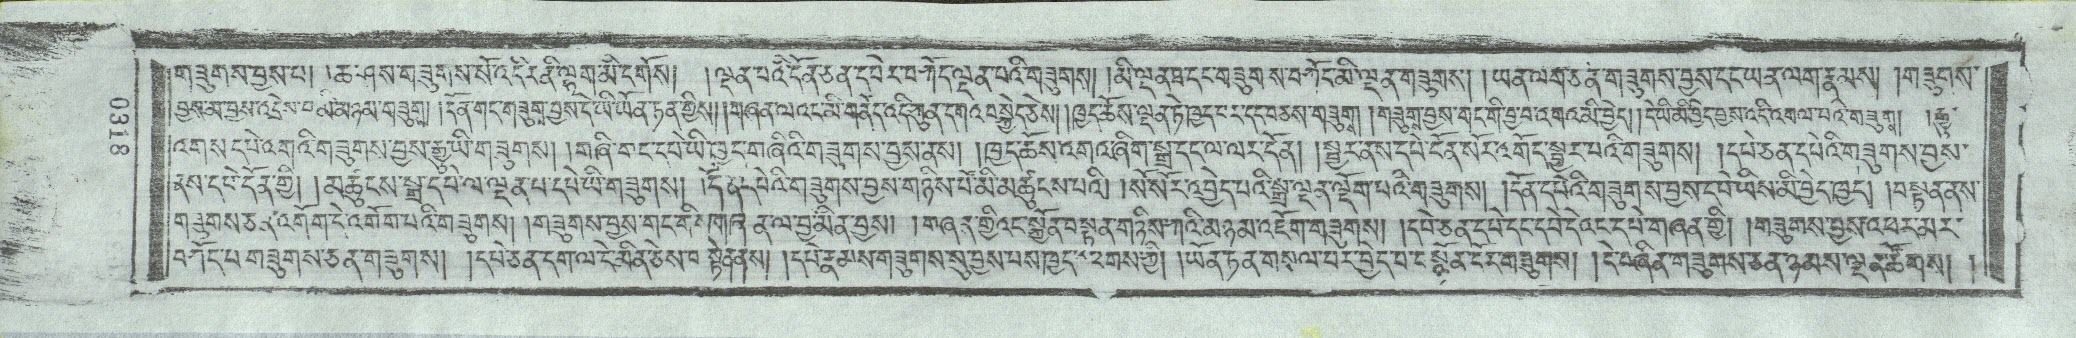གཟུགས་བྱས་པ། །ཆ་ཤས་གཟུགས་སོ་འདིར་ནི་ལྷག་མི་དགོས། །ལྡན་བའི་དོན་ཅན་དཔེར་བཀོད་ལྡན་བའི་གཟུགས། །མི་ལྡན་ཐ་དང་གཟུགས་བཀོད་མི་ལྡན་གཟུགས། །ཡན་ལག་ཅན་གཟུགས་བྱས་དང་ཡན་ལག་རྣམས། །གཟུགས་
བྱས་མ་བྱས་འདྲེས་པ་མི་མཉམ་གཟུགས། དོན་གང་གཟུགས་བྱས་དེ་ཡི་ཡོན་ཏན་གྱིས། །གཞན་ལའང་མི་གནོད་འདི་ཀུན་དགའ་བསྐྱེད་ཅེས། །ཁྱད་ཆོས་ལྡན་ཏེ་ཁྱད་པར་དང་བཅས་གཟུགས། །གཟུགས་བྱས་གང་གི་བྱ་བ་འགའ་མི་བྱེད། །དེ་ཡི་མི་བྱེད་བྱས་འདི་འགལ་བའི་གཟུགས། །རྒྱུ་
འགས་དཔེ་འགའི་གཟུགས་བྱས་རྒྱུ་ཡི་གཟུགས། །གཞི་གང་དཔེ་ཡི་ཁྱད་གཞིའི་གཟུགས་བྱས་ནས། །ཁྱད་ཆོས་འགའ་ཞིག་སྒྲ་དང་ལ་ལར་དོ། །སྦྱར་ནས་དཔེ་དོན་སོར་འགྲོད་སྦྱར་བའི་གཟུགས། །དཔེ་ཅན་དཔེའི་གཟུགས་བྱས་
ནས་དཔེ་དོན་གྱི། །མཚུངས་སྐྲ་དབི་ལ་ལྡན་པ་དཔེ་ཡི་གཟུགས། །དོན་དཔེའི་གཟུགས་བྱས་གཉིས་པོ་མི་མཚུངས་པའི། །སོ་སོར་འབྱེད་པའི་སྒྲ་ལྡན་ལྡོག་པའི་གཟུགས། །དོན་དཔེའི་གཟུགས་བྱས་དཔེ་ཡིས་མི་བྱེད་ཁྱད། །བསྟན་ནས་
གཟུགས་ཅན་འགོག་དེ་འགོག་པའི་གཟུགས། །གཟུགས་བྱས་གང་གིས་གཞན་ལ་བྱ་མིན་བྱས། །གཞན་གྱིའང་སྐྱོན་བསྟན་གཉིས་ཀའི་མཉམ་འཇོག་གཟུགས། །དཔེ་ཅན་དཔེ་དང་དཔེ་དེའང་དཔེ་གཞན་གྱི། །གཟུགས་བྱས་འཕར་མར་
བཀོད་གཟུགས་ཅན་གཟུགས། །དཔེ་ཅན་དག་ལ་དེ་མིན་ཅེས་པ་ནས་།དཔེ་རྣམས་གཟུགས་སུ་བྱས་པས་ཁྱད་པར?་གས་ཀྱི། །ཡོན་ཏན་གསལ་པར་བྱེད་པ་བསྙོན་དོར་གཟུགས། །དེ་བཞིན་གཟུགས་ཅན་ཉམས་ལྡན་ཚོགས། །